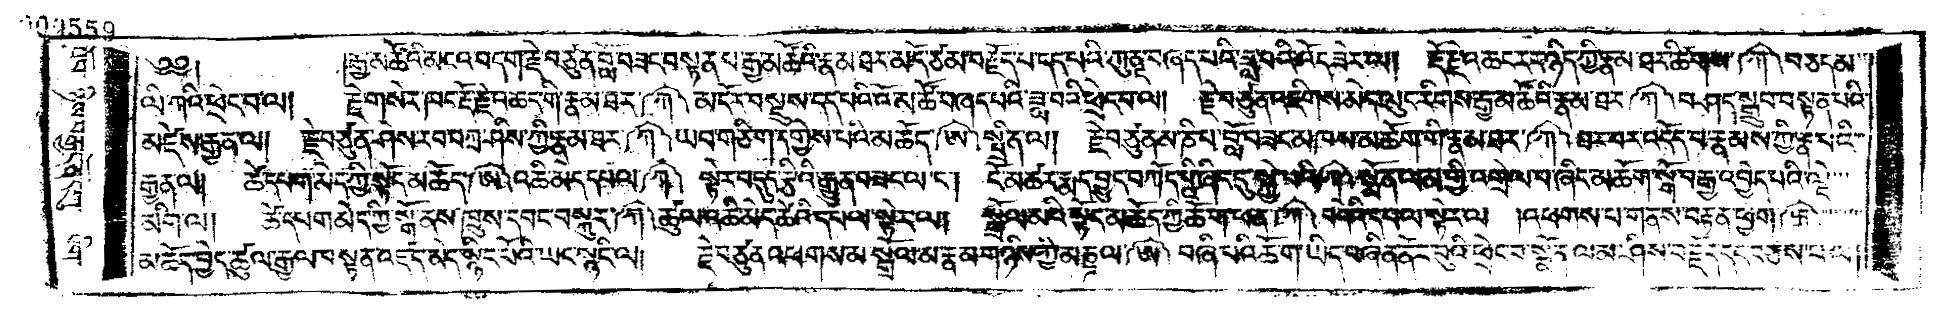༄༅། །རྒྱ་མཚོའི་མངའ་བདག་རྗེ་བཙུན་བློ་བཟང་བསྟན་པ་རྒྱ་མཚོའི་རྣམ་ཐར་མདོ་ཙམ་བརྗོད་པ་དད་པའི་ཀུནྡ་བཞད་པའི་ཟླ་བའི་འོད་ཟེར་ལ། རྡོ་རྗེ་འཆང་རང་ཉིད་ཀྱི་རྣམ་ཐར་ཚིགས ༼ཀ༽ བཅད་མ་
ལི་ཀའི་ཕྲེང་བ་ལ། རྗེ་གསེར་ཁང་རྡོ་རྗེ་འཆང་གི་རྣམ་ཐར ༼ཀ༽ མངོར་བསྡུས་དད་པའི་འོ་མཚོ་བཞད་པའི་ཟླ་བའི་ཕྲེང་བ་ལ། རྗེ་བཙུན་འཇིགས་མེད་ལུང་རིགས་རྒྱ་མཚོའི་རྣམ་ཐར ༼ཀ༽ བཤད་སྒྲུབ་བསྟན་པའི་
མཛེས་རྒྱན་ལ། རྗེ་བཙུན་ཤེས་རབ་བཀྲ་ཤིས་ཀྱི་རྣམ་ཐར ༼ཀ༽ ཡབ་གཅིག་དགྱེས་པའི་མཆོད ༼ཨ༽ སྤྲིན་ལ། རྗེ་བཙུན་མ་ཎི་པ་བློ་བཟང་མཁས་མཆོག་གི་རྣམ་ཐར ༼ཀ༽ ཐར་བར་འདོད་པ་རྣམས་ཀྱི་རྣ་བའི་
རྒྱན་ལ། ཚེ་དཔག་མེད་ཀྱི་སྟོད་མཆོད ༼ཨ༽ འཆི་མེད་དཔལ ༼ཀ༽ སྟེར་བདུད་རྩིའི་རྒྱུན་བཟང་ལ་ང་། ངོ་མཚར་རྨད་བྱུང་བཀོད་པཱི་ཞིང་དུ་སྐྱེ་པའི ༼ཀ༽ སྨིན་ལམ་གྱི་འགྲེལ་བ་ཞིང་མཆོག་སྒོ་བརྒྱ་འབྱེད་པའི་ལྔེ་
མིག་ལ། ཚེ་དཔག་ཨེད་ཀྱི་སྒོ་ནས་ཁྲུས་དབང་བསྐུར ༼ཀ༽ ཚུལ་འཆི་མེད་ཚེའི་དཔལ་སྟེར་ལ། སྒྲོལ་མའི་སྟོང་མཆོད་ཀྱི་ཆོ་ག་པན ༼ཀ༽ བདེའི་དཔལ་སྟེར་ལ་།འཕགས་པ་གནས་བརྟན་ཕྱག་?
མཆོད་བྱེད་ཚུལ་རྒྱལ་བསྟན་འཛད་མེད་སྙིང་པོའི་ཡང་སྙིང་ལ། རྗེ་བཙུན་འཕགས་མ་སྒྲོལ་མ་རྣམ་གཉིས་ཀྱི་མནྜལ ༼ཨ༽ བཞི་པའི་བྷོ་ག་ཡིད་བཞིན་ནོར་ཕུ༹འི་ཕྲེང་བ་སྨོན་ལམ་ཤིཝ་བརྗོཨེ་དང་བཅས་པ་ལ།